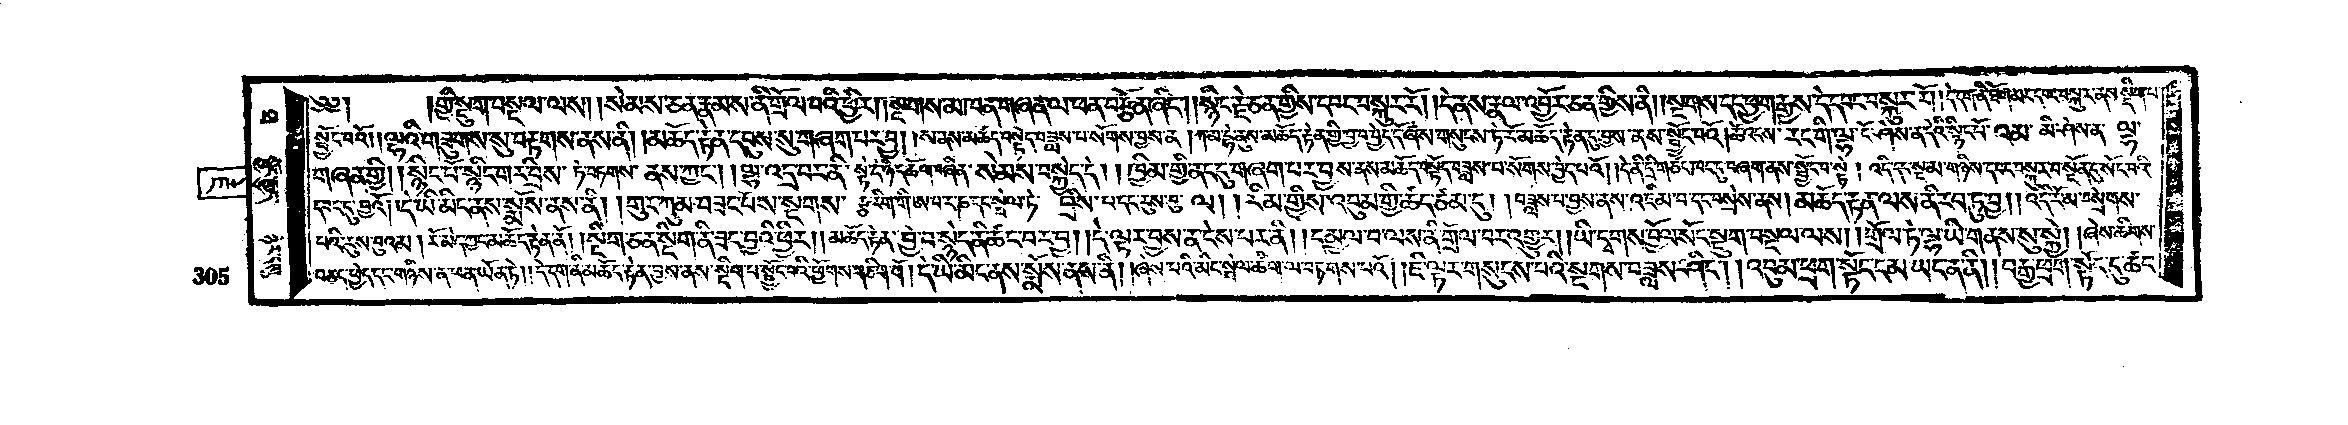༄༅། །གྱི་སྡུག་བསྔལ་ལས། །སེམས་ཅན་རྣམས་ནི་གྲོལ་བའི་ཕྱིར། །སྔགས་མཁན་གཞན་ལ་ཕན་བརྩོན་ཞིང་། །སྙིང་རྗེ་ཅན་གྱིས་དབང་བསྐུར་རོ། །དེ་ནས་རྣལ་འབྱོར་ཅན་གྱིས་ནི། །སྔགས་དང་ཕྱག་རྒྱས་དེ་དབང་བསྐུར་རོ། །དེ་དག་ནི་ཐོག་མར་དབང་བསྐུར་ནས་སྡིག་པ་
སྦྱོང་བའོ། །ལྷའི་གཟུགས་སུ་བརྟགས་ནས་ནི། །མཆོད་རྟེན་དབུས་སུ་གཞག་པར་བྱ། ། ས་ནས་མཆོད་བསྟོད་བཟླས་པ་སོགས་བྱས་ན། ཀ་མ་དྷེ་ནུས་མཆོད་རྟེན་གྱི་བྱ་བ་བྱེད་དོ་ཞེས་གསུངས་ཏེ་རོ་མཆོད་རྟེན་དུ་བྱས་ནས་སྦྱོང་བའོ། ཚེ་འདས་རང་གི་ལྷ་ངོ་ཤེས་ན་དེའི་སྙིང་པོ་འམ་མི་ཤེས་ན་ལྷ་
གཞན་གྱི། །སྙིང་པོ་སྙིང་གར་བྲིས་ཏེ་བཏགས་ནས་ཀྱང་། །ལྷ་འདྲ་བར་ནི་སྟེ་དེ་ཉིད་ཆོ་ག་བཞིན་སེམས་བསྐྱེད་དེ། །ཁྱིམ་གྱི་ནང་དུ་གཞག་པར་བྱས་ནས་མཆོད་བསྟོད་བཟླས་པ་སོགས་བྱེད་པའོ། །དེ་ནི་དྲི་གཙང་ཁང་དུ་བཞག་ནས་སྦྱོང་བ་སྟེ། འདི་དང་སྔ་མ་གཉིས་དབང་བསྐུར་བ་སྔོན་དུ་སོང་བའི་
དབང་དུ་བྱའོ། ། དེ་ཡི་མིང་ནས་སྨོས་ནས་ནི། །གུར་ཀུམ་བཟང་པོས་སྔགས་རྩ་རིག་གི་ཨ་བ་ར་ཎ་དང་སྤེལ་ཏེ་བྲིས་པ་དང་རུས་བུ་ལ། །རིམ་གྱིས་འབུམ་གྱི་ཚད་ཙམ་དུ། ། བཟླས་པ་བྱས་ནས་འཇིམ་པ་དང་བསྲེས་ནས།  མཆོད་རྟན་ལས་ནི་རབ་ཏུ་བྱ། །འདི་རོ་མ་བསྲེགས་
པའི་རུས་བུའམ། རོ་མེད་ཀྱང་མཆོད་རྟེན་ནོ། །སྡིག་ཅན་སྡིག་ནི་ཟད་བྱའི་ཕྱིར། ། མཆོད་རྟེན་བྱེ་བ་སྙེད་ནི་ཚང་བར་བྱ། །དེ་ལྟར་བྱས་ན་ངེས་པར་ནི། །དམྱལ་བ་ལས་ནི་གྲོལ་བར་འགྱུར། །ཡི་དྭགས་བྱོལ་སོང་སྡུག་བསྔལ་ལས། །གྲོལ་ཏེ་ལྷ་ཡི་གནས་སུ་སྐྱེ། །ཞེས་ཚིགས་
བཅད་ཕྱེད་དང་གཉིས་ནི་ཕན་ཡོན་ཏེ། །དེ་དག་ནི་མཆོད་རྟེན་བྱས་ནས་སྡིག་པ་སྦྱོང་བའི་ཕྱོགས་གཅིག་གོ ། དེ་ཡི་མིང་ནས་སྨོས་ནས་ནི། ། ཞེས་པའི་མིང་སྤེལ་ཚིག་ལ་བཏགས་པའོ། །  ཇི་ལྟར་གསུངས་པའི་སྔགས་བཟླས་ཤིང་། །འབུམ་ཕྲག་སྟོང་ངམ་ཡང་ན་ནི། །བརྒྱ་ཕྲག་སྟོང་དུ་ཚང་